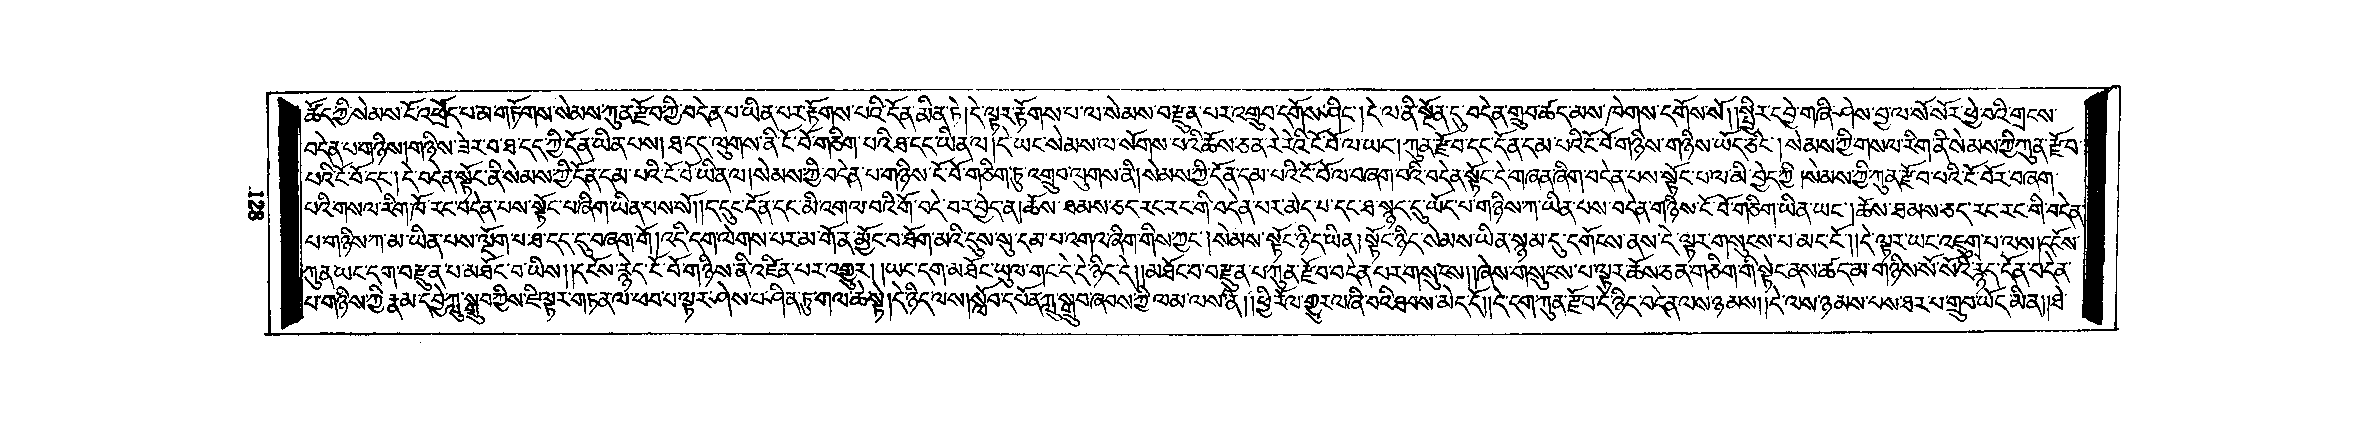ཚོད་ཀྱི་སེམས་ངོ་འཕྲོད་པ་མ་གཏོགས་སེམས་ཀུན་རྫོབ་ཀྱི་བདེན་པ་ཡིན་པར་རྟོགས་པའི་དོན་མིན་ཏེ། དེ་ལྟར་རྟོགས་པ་ལ་སེམས་བརྫུན་པར་འགྲུབ་དགོས་ཤིང་། དེ་ལ་ནི་སྔོན་དུ་བདེན་གྲུབ་ཚད་མས་ཁེགས་དགོས་སོ། །སྤྱིར་དབྱེ་གཞི་ཤེས་བྱ་ལ་སོ་སོར་ཕྱེ་བའི་གྲངས་
བདེན་པ་གཉིས། གཉིས་ཟེར་བ་ཐ་དད་ཀྱི་དོན་ཡིན་པས། ཐ་དད་ལུགས་ནི་ངོ་བོ་གཅིག་པའི་ཐ་དད་ཡིན་ལ། དེ་ཡང་སེམས་ལ་སོགས་པའི་ཆོས་ཅན་རེ་རེའི་ངོ་བོ་ལ་ཡང་། ཀུན་རྫོབ་དང་དོན་དམ་པའི་ངོ་བོ་གཉིས་གཉིས་ཡོད་ཅིང་། སེམས་ཀྱི་གསལ་རིག་ནི་སེམས་ཀྱི་ཀུན་རྫོབ་
པའི་ངོ་བོ་དང་། དེ་བདེན་སྟོང་ནི་སེམས་ཀྱི་དོན་དམ་པའི་ངོ་བོ་ཡིན་ལ། སེམས་ཀྱི་བདེན་པ་གཉིས་ངོ་བོ་གཅིག་ཏུ་འགྲུབ་ལུགས་ནི། སེམས་ཀྱི་དོན་དམ་པའི་ངོ་བོ་ལ་བཞག་པའི་བདེན་སྟོང་དེ་གཞན་ཞིག་བདེན་པས་སྟོང་པ་ལ་མི་བྱེད་ཀྱི། སེམས་ཀྱི་ཀུན་རྫོབ་པའི་ངོ་བོར་བཞག་
པའི་གསལ་རིག་ཁོ་རང་བདེན་པས་སྟོང་པ་ཞིག་ཡིན་པས་སོ། །ད་དུང་དོན་དང་མི་འགལ་བའི་གོ་བདེ་བར་བྱེད་ན། ཆོས་ཐམས་ཅད་རང་རང་གི་བདེན་པར་མེད་པ་དང་ཐ་སྙད་དུ་ཡོད་པ་གཉིས་ཀ་ཡིན་པས་བདེན་གཉིས་ངོ་བོ་གཅིག་ཡིན་ཡང་། ཆོས་ཐམས་ཅད་རང་རང་གི་བདེན་
པ་གཉིས་ཀ་མ་ཡིན་པས་ལྡོག་པ་ཐ་དད་དུ་བཞག་གོ །འདི་དག་ལེགས་པར་མ་གོན་མྱོང་བ་ཐོག་མའི་དུས་སུ་དམ་པ་འགའ་ཞིག་གིས་ཀྱང་། སེམས་སྟོང་ཉིད་ཡིན། སྟོང་ཉིད་སེམས་ཡིན་སྙམ་དུ་དགོངས་ནས་དེ་ལྟར་གསུངས་པ་མང་ངོ། །དེ་ལྟར་ཡང་འཇུག་པ་ལས། དངོས་
ཀུན་ཡང་དག་བརྫུན་པ་མཐོང་བ་ཡིས། །དངོས་རྙེད་ངོ་བོ་གཉིས་ནི་འཛིན་པར་འགྱུར། །ཡང་དག་མཐོང་ཡུལ་གང་དེ་དེ་ཉིད་དེ། །མཐོང་བ་བརྫུན་པ་ཀུན་རྫོབ་བདེན་པར་གསུངས། །ཞེས་གསུངས་པ་ལྟར་ཆོས་ཅན་གཅིག་གི་སྟེང་ནས་ཚད་མ་གཉིས་སོ་སོའི་རྙེད་དོན་བདེན་
པ་གཉིས་ཀྱི་རྣམ་དབྱེ་ཀླུ་སྒྲུབ་ཀྱིས་ཇི་ལྟར་གཏན་ལ་ཕབ་པ་ལྟར་ཤེས་པ་ཤིན་ཏུ་གལ་ཆེ་སྟེ། དེ་ཉིད་ལས། སློབ་དཔོན་ཀླུ་སྒྲུབ་ཞབས་ཀྱི་ལམ་ལས་ནི། །ཕྱི་རོལ་གྱུར་ལ་ཞི་བའི་ཐབས་མེད་དོ། །དེ་དག་ཀུན་རྫོབ་དེ་ཉིད་བདེན་ལས་ཉམས། །དེ་ལས་ཉམས་པས་ཐར་པ་གྲུབ་ཡོད་མིན། །ཐེ་